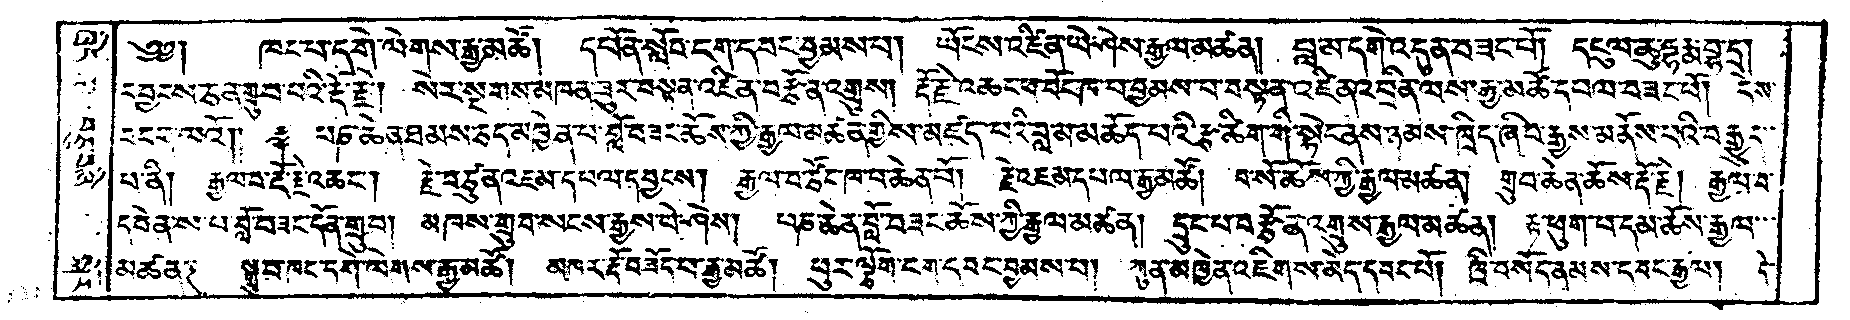༄༅། །ཁང་པ་དགེ་ལེགས་རྒྱ་མཚོ། དཔོན་སློབ་ངག་དབང་བྱམས་པ། ཡོངས་འཛིན་ཡེ་ཤེས་རྒྱལ་མཚན། བླ་མ་དགེ་འདུན་བཟང་པོ། དངུལ་ཆུ་དྷརྨ་བྷ་དྲ།
དབྱངས་ཅན་གྲུབ་པའི་རྡོ་རྗེ། སེར་སྔགས་མཁན་ཟུར་བསྟན་འཛིན་བརྩོན་འགྲུས། རྡོ་རྗེ་འཆང་ཕ་བོང་ཁ་པ་བྱམས་པ་བསྟན་འཛིན་འཕྲིན་ལས་རྒྱ་མཚོ་དཔལ་བཟང་པོ། དེས་
བདག་ལའོ།། ༈ པཎ་ཆེན་ཐམས་ཅད་མཁྱེན་པ་བློ་བཟང་ཆོས་ཀྱི་རྒྱལ་མཚན་གྱིས་མཛད་པའི་བླ་མ་མཆོད་པའི་རྩ་ཚིག་གི་སྟེང་ནས་ཉམས་ཁྲིད་ཞིབ་རྒྱས་མནོས་པའི་བརྒྱུད་
པ་ནི། རྒྱལ་བ་རྡོ་རྗེ་འཆང་། རྗེ་བཙུན་འཇམ་དཔལ་དབྱངས། རྒྱལ་བ་ཙོང་ཁ་པ་ཆེན་པོ། རྗེ་འཇམ་དཔལ་རྒྱ་མཚོ། བ་སོ་ཆོས་ཀྱི་རྒྱལ་མཚན། གྲུབ་ཆེན་ཆོས་རྡོ་རྗེ། རྒྱལ་བ་
དབེན་ས་པ་བློ་བཟང་དོན་གྲུབ། མཁས་གྲུབ་སངས་རྒྱས་ཡེ་ཤེས། པཎ་ཆེན་བློ་བཟང་ཆོས་ཀྱི་རྒྱལ་མཚན། དྲུང་པ་བརྩོན་འགྲུས་རྒྱལ་མཚན། རྟ་ཕུག་པ་དམ་ཆོས་རྒྱལ་
མཚན༑ སྒྲུབ་ཁང་དགེ་ལེགས་རྒྱ་མཚོ། མཁར་རྡོ་བཟོད་པ་རྒྱ་མཚོ། ཕུར་ལྕོག་ངག་དབང་བྱམས་པ། ཀུན་མཁྱེན་འཇིགས་མེད་དབང་པོ། ཁྲི་བསོད་ནམས་དབང་རྒྱལ། དེ་